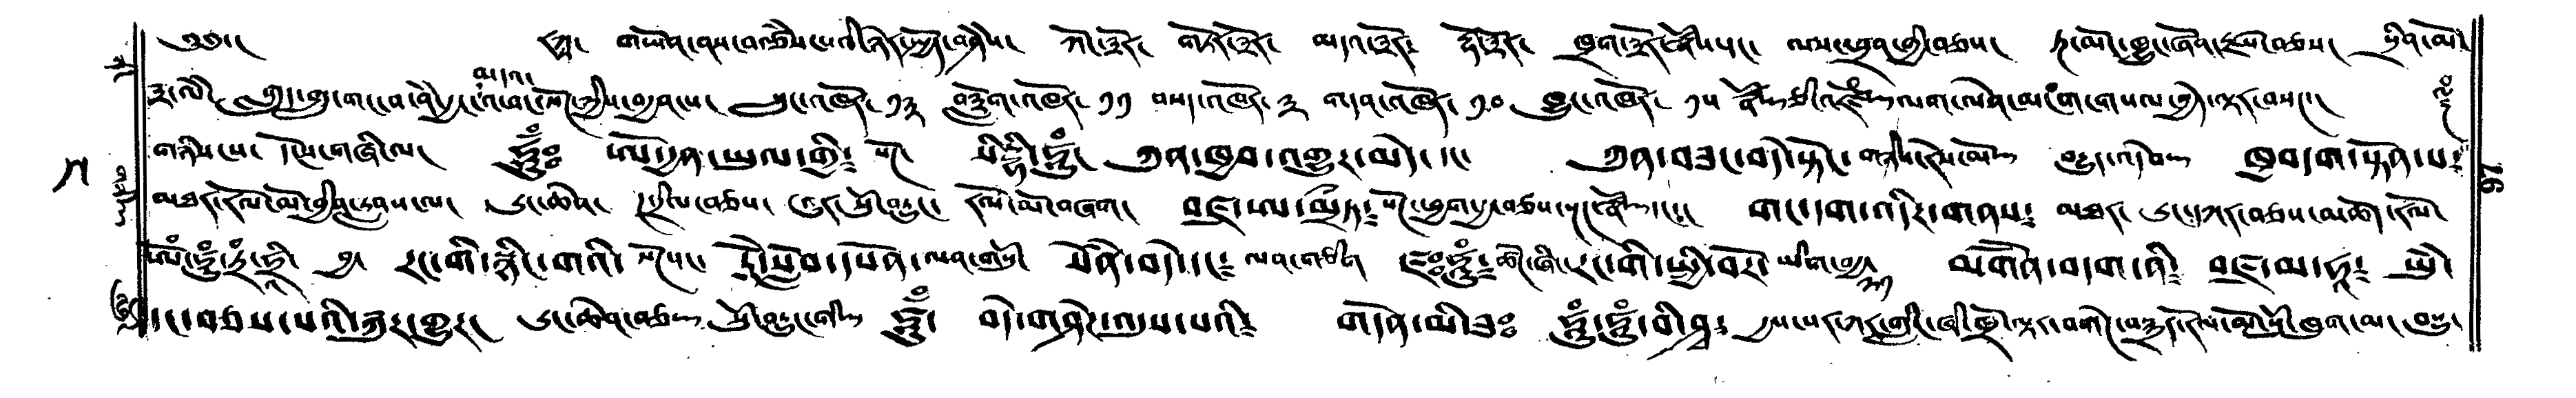༩༧༽ རཀྟ། གཡོན་ནས་བརྩམས་པའི་ཉེར་སྤྱོད་བཤམ། ཀོང་ཟོར། གཏོར་ཟོར། མདའ་ཟོར། རྡོ་ཟོར། ཁྲག་ཟོར་རྣམས་དང་། ལས་ཕྲན་གྱི་བཅས། རྔ་མོང་ཁྱུང་ཞོན་རྫས་བཅས། སྲིན་མོ་
ཟ་ལམ། གླུད་ཁྲུ་གང་བ་ནམ་རྒྱང་མདའ་འཕང་སོགས་ཀྱིས་བརྒྱན་པ། སྲུང་འཁོར་བཅུ་གསུམ། བཟློག་འཁོར་བཅུ་གཅིག བསད་འཁོར་གསུམ། གདན་འཁོར་བཅུ། ཁྱུང་འཁོར་བཅོ་ལྔ། རྣམས་ཅི་འཛོམས་ལག་ལེན་མན་ངག་གསལ་བྱེད་ལྟར་བསག ༈ 
གཉིས་པ། དངོས་གཞི་ལ། ཧཱུྃ༔ ཨོ་རྒྱན་ཡུལ་གྱི༴ སོགས། སིདྡྷི་ཧཱུྃ༔ ཀུན་ཁྱབ་འགྱུར་མེད༴ དང་། ཀུན་བཟང་བདེ་སྟོང༴ གཉིས་རེས་མོས། རྒྱུད་འདེབས། ཁྱབ་བདག་སྟོན་པ༴ 
མཐར་རོལ་མོ་བྱིན་རླབས་ལ། དུང་ཆེན། ཌཱ་དྲིལ་བཅས། འུར། སུམ་རྡུང་། རོལ་མོ་བཞག བཛྲ་ཨ་མྲྀཏ༴ སོགས་ཕྱག་རྒྱ་བཅས་སྔགས་རྣམས་དང་། གང་དག་འདིར་གནས༴ མཐར། དུང་དཀར་བཅས་མཆོད་རོལ། 
ཨོཾ་ཧཱུཾ་ཏྲཾ་ཧྲཱིཿ བྱ། རང་གི་སྙིང་གའི༴ སོགས་དང་། རྡོ་རྗེ་སློབ་དཔོན༴ ལན་གསུམ། སེམས་ཅན་བདེ་དང༴ ལན་གཅིག ཛཿཧཱུྃ༴ ཚོགས་ཞིང་། རང་གི་སྤྱི་བོར༴ ཡིག་བརྒྱ་ཉེར་གཅིག མགོན་པོ་བདག་ནི༴ བཛྲ་མ་ཧཱ༴ ཡུམ་
དང་བཅས་པའི་སྐུར་གྱུར། དུང་ཆེན་བཅས། སུམ་རྡུང་གིས། ཧཱུྃ༔ བདེ་གཤེགས་འདུས་པའི༴ གདོན་མི་ཟ༔ ཧཱུྃ་ཧཱུྃ་བི་ཤྭ། རྒྱས་པར་ཀར་གླིང་ཞི་ཁྲོ་ལྟར་བགེགས་བསྐྲད་རོལ་མོ་སུམ་ཁུག་མ། བསྡུ་